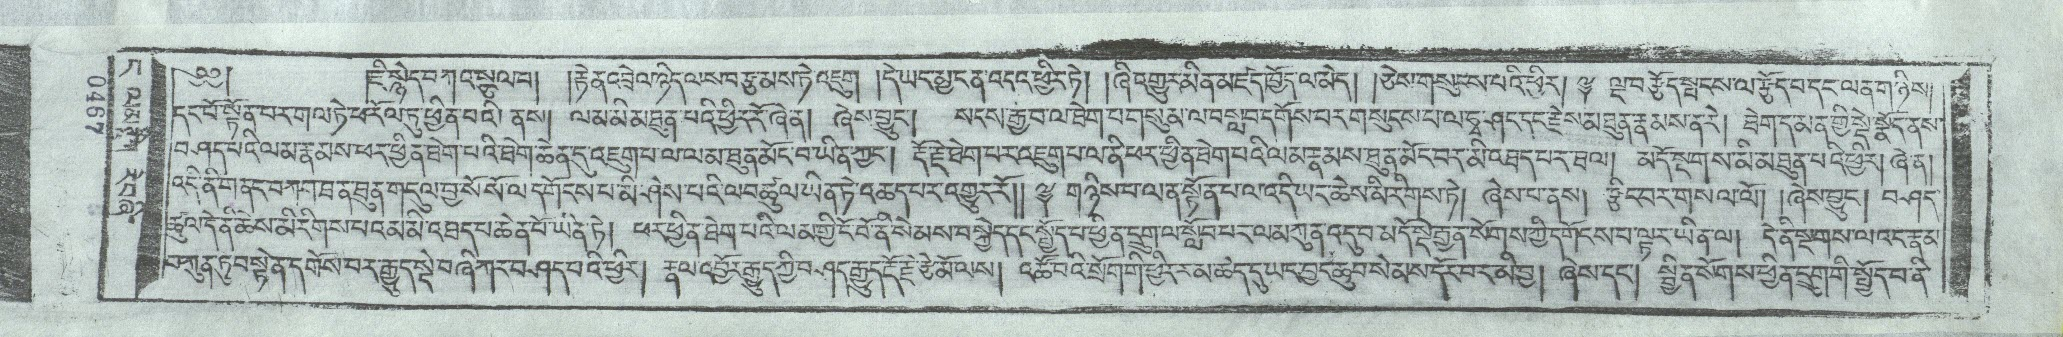༄༅། །ཇི་སྙེད་བཀའ་སྩལ་བ། །རྟེན་འབྲེལ་ཉིད་ལས་བརྩམས་ཏེ་འཇུག །དེ་ཡང་མྱ་ངན་འདའ་ཕྱིར་ཏེ། །ཞི་འགྱུར་མིན་མཛད་ཁྱོད་ལ་མེད། །ཅེས་གསུངས་པའི་ཕྱིར། ༈ ལྔ་བརྩོད་སྤངས་ལ་རྩོད་བ་དང་ལན་གཉིས།
དང་བོ་སྟོན་པར་གལ་ཏེ་ཕ་རོལ་ཏུ་ཕྱིན་པའི་ནས། ལམ་མི་མཐུན་པའི་ཕྱིར་རོ་ཞེན། ཞེས་བྱུང་། སངས་རྒྱབ་ལ་ཐེག་པ་གསུམ་ལ་བསླབ་དགོས་བར་གསུངས་པ་ལ་ཧྭ་ཤད་དང་རྗེས་མཐུན་རྣམས་ན་རེ། ཐེག་དམན་གྱི་སྡེ་སྣོད་ནས་
བཤད་པའི་ལམ་རྣམས་ཕར་ཕྱིན་ཐེག་པའི་ཐེག་ཆེན་དུ་འཇུག་པ་ལ་ལམ་ཐུན་མོང་བ་ཡིན་ཀྱང་། རྡོ་རྗེ་ཐེག་པར་འཇུག་པ་ལ་ནི་ཕར་ཕྱིན་ཐེག་པའི་ལམ་རྣམས་ཐུན་མོང་བར་མི་འཐད་པར་ཐལ། མདོ་སྔགས་མི་མཐུན་པའི་ཕྱིར། ཞེ་ན།
འདི་ནི་གནད་བཀག་ཐ་ན་ཐུན་གདུལ་བྱ་སོ་སོ་ལ་དགོངས་པ་མི་ཤེས་པའི་ལབ་ཚུལ་ཡིན་ཏེ་འཆད་པར་འགྱུར་རོ།། ༈ གཉིས་པ་ལན་སྟོན་པ་ལ་འདི་ཡང་ཆེས་མི་རིགས་ཏེ། ཞེས་པ་ནས། རྩིང་བར་གསལ་ལོ། །ཞེས་བྱུང་། བཤད་
ཚུལ་དེ་ནི་ཆོས་མི་རིགས་པའམ་མི་འཐད་པ་ཆེན་པོ་ཡིན་ཏེ། ཕར་ཕྱིན་ཐེག་པའི་ལམ་གྱི་ངོ་བོ་ནི་སེམས་བསྐྱེད་དང་སྤྱོད་པ་ཕྱིན་དྲུག་ལ་སློབ་པར་ལམ་ཀུན་འདུ་བ་མདོ་སྡེ་རྒྱན་སོགས་ཀྱི་དགོངས་པ་ལྟར་ཡིན་ལ། དེ་ནི་སྔགས་ལའང་རྣམ་
བ་ཀུན་ཏུ་བསྟེན་དགོས་བར་རྒྱུད་སྡེ་བཞི་ཀར་བཤད་པའི་ཕྱིར། རྣལ་འབྱོར་རྒྱུད་ཀྱི་བཤད་རྒྱུད་རྡོ་རྗེ་རྩེ་མོ་ལས། འཚོ་བའི་སྲོག་གི་ཕྱིར་རབ་ཆེད་དུ་ཡང་བྱང་ཆུབ་སེམས་དོར་བར་མི་བྱ། ཞེ་དང་། སྦྱིན་སོགས་ཕྱིན་དྲུག་གི་སྤྱོད་པ་ནི་